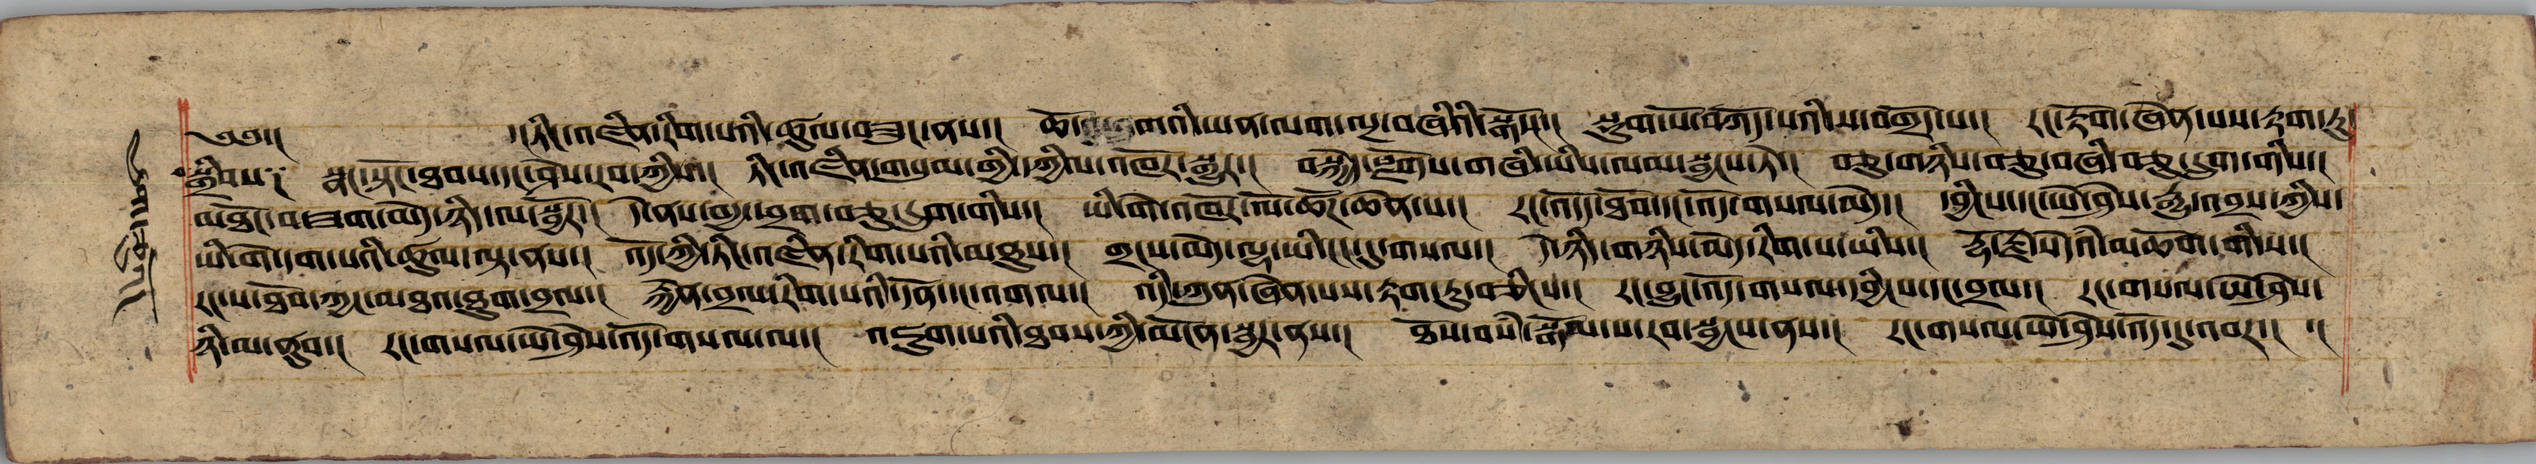༄༅་། ་།ཏིང་འཛིན་རིག་པའི་ཚུལ་བཟུང་ནས་། ཆོ་བ་བྲུགའི་ཡན་ལག་ལྔ་བཞིའི་སྒོ་ང་། སྡུག་པོ་བཀོད་པའི་ས་བགྲོད་པ་། རང་རྟོག་ཞེན་པས་རྟག་ཏུ
བསྒྲིབས༑ སྣང་སྟོང་ཐབས་དང་ཤེས་རབ་ཀྱིས་། ཏིང་འཛིན་གསུམ་གྱི་དཀྱིལ་འཁོར་སྒྱུར་། བསྐྱེད་སྫོགས་གཞི་ཡིས་ལམ་སྦྱངས་ཏེ་། བཅུ་གཉིས་བཅུ་བཞི་བཅུ་དྲུག་གིས་།
མཐོང་བ་ཟག་མེད་ཉིད་ལ་སྦྱོར་། དེ་ནས་བདྱ་ཕྲག་བཅུ་དྲུག་གིས་། ཡི་གེ་འཁོར་ལོ་ཚོཌ་ཆེན་པ་། རང་འདོད་ཐོབ་དང་འོད་གསལ་མེད་། དབྱིས་དང་ཡེ་ཤེས་རྒྱུ་འབྲས་ཀྱིས་།
ཡི་གེ་དག་པའི་ཚུལ་ལྟ་ནས་། འོད་ཀྱི་ཏིང་འཛིན་རིག་པའི་མཐུས་། གྲངས་མེད་ལྷ་ཡི་ངང་དུ་གསལ་། དེ་ཉིད་གཉིས་མེད་རིག་པ་ཡིས་། རྡོ་རྗེ་སེདཾའ་མཆོག་གི་ས་།
རང་ས་ཐོབ་ཀྱང་མཐར་ཐུག་བྲལ་། རྐྱེན་བྲལ་རིག་པའི་དོན་དང་འགལ་། འདི་ཀུན་ཞེན་པས་རྟག་ཏུ་བཅིངས་། རང་བྱུང་འོད་གསལ་དབྱིངས་དང་བྲལ་། རང་གསལ་ཡེ་ཤེས་
ཉི་མ་ནུབ་། རང་གསལ་ཡེ་ཤེས་འོད་གསལ་ལ་། འཇུག་པའི་ཐབས་ཀྱི་མངོན་སྦྱར་ནས་། ཐོས་བསཾ་སྒོམ་པ་རབ་སྦྱངས་ནས་། རང་གསལ་ཡེ་ཤེས་འོད་དུ་འབར་། ་།